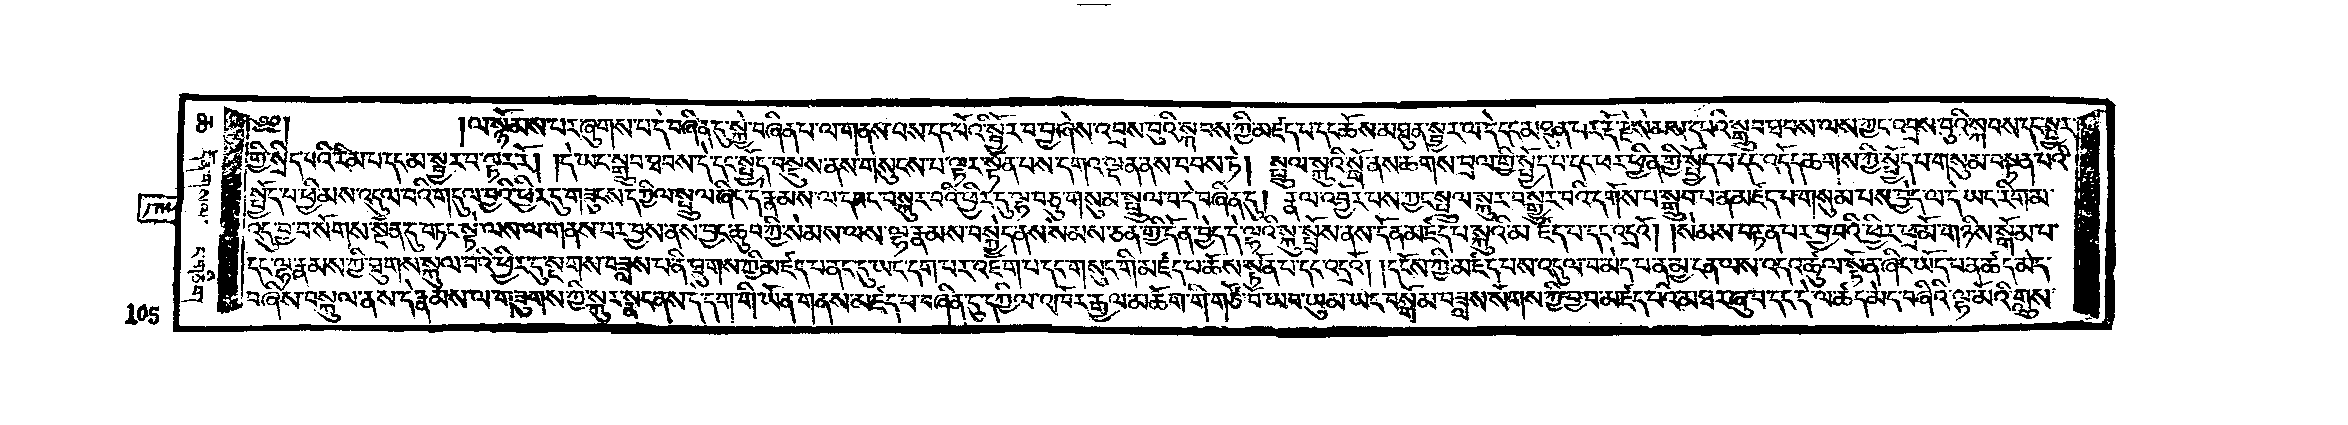༄༅། །ལ་སྙོམས་པར་ཞུགས་པ་དེ་བཞིན་དུ་སྐྱེ་བཞིན་པ་ལ་གནས་པས་དང་པོའི་སྦྱོར་བ་བྱ་ཞེས་འབྲས་བུའི་སྐབས་ཀྱི་མཛད་པ་དང་ཆོས་མཐུན་སྦྱར་ལ་དེ་དང་མཐུན་པར་རྡོ་རྗེ་སེམས་དཔའི་སྒྲུབ་ཐབས་ལས་ཀྱང་འབྲས་བུའི་སྐབས་དང་སྦྱར་
གྱི་སྲིད་པའི་རིམ་པ་དང་མ་སྦྱར་བ་ལྟར་རོ། །དེ་ཡང་སྒྲུབ་ཐབས་དེ་དང་སྤྱོད་བསྡུས་ནས་གསུངས་པ་ལྟར་སྟོན་པས་དགའ་ལྡན་ནས་བབས་ཏེ། སྤྲུལ་སྐུའི་སྒོ་ནས་ཆགས་བྲལ་གྱི་སྤྱོད་པ་དང་ཕར་ཕྱིན་གྱི་སྤྱོད་པ་དང་འདོད་ཆགས་ཀྱི་སྤྱོད་པ་གསུམ་བསྟན་པའི་
སྤྱོད་པ་ཕྱི་མས་འདུལ་བའི་གདུལ་བྱའི་ཕྱིར་དུ་གཟུངས་དཀྱིལ་སྤྲུལ་ཞིང་དེ་རྣམས་ལ་དབང་བསྐུར་བའི་ཕྱིར་དུ་ལྷ་བཅུ་གསུམ་སྤྲུལ་བ་དེ་བཞིན་དུ། རྣལ་འབྱོར་པས་ཀྱང་སྤྲུལ་སྐུར་བསྒྱུར་བའི་དགོས་པ་སྒྲུབ་པ་ན་མཛད་པ་གསུམ་པས་བྱེད་ལ་དེ་ཡང་རིག་མ་
འདུ་བྱ་བ་སོགས་སྔོན་དུ་བཏང་སྟེ་ལས་ལ་གནས་པར་བྱས་ནས་བྱང་ཆུབ་ཀྱི་སེམས་ལས་ལྷ་རྣམས་བསྐྱེད་ནས་སེམས་ཅན་གྱི་དོན་བྱེད་དེ་ལྷའི་སྐུ་སྤྲོས་ནས་དོན་མཛད་པ་སྐུའི་མཛད་པ་དང་འདྲའོ། །སེམས་བརྟན་པར་བྱ་བའི་ཕྱིར་ཕྲ་མོ་གཉིས་སྒོམ་པ་
དང་ལྷ་རྣམས་ཀྱི་ཐུགས་སྐུལ་བའི་ཕྱིར་དུ་སྔགས་བཟླས་པ་ནི་ཐུགས་ཀྱི་མཛད་པ་ནང་དུ་ཡང་དག་པར་འཇོག་པ་དང་གསུང་གི་མཛད་པ་ཆོས་སྟོན་པ་དང་འདྲའོ། །དངོས་ཀྱི་མཛད་པས་འདུལ་བ་མེད་པ་ན་མྱ་ངན་ལས་འདའ་ཚུལ་སྟོན་ཞིང་ཡོད་པ་ན་ཚད་མེད་
བཞིས་བསྐུལ་ནས་དེ་རྣམས་ལ་གཟུགས་ཀྱི་སྐུར་སྣང་ནས་དེ་དག་གི་ཡོན་གནས་མཛད་པ་བཞིན་དུ་དཀྱིལ་འཁོར་རྒྱལ་མཆོག་གི་གཙོ་བོ་ཡབ་ཡུམ་ཡང་བསྒོམ་བཟླས་སོགས་ཀྱི་བྱ་བ་མཛད་པའི་མཐར་ཞུ་བ་དང་དེ་ལ་ཚད་མེད་བཞིའི་ལྷ་མོའི་གླུས་